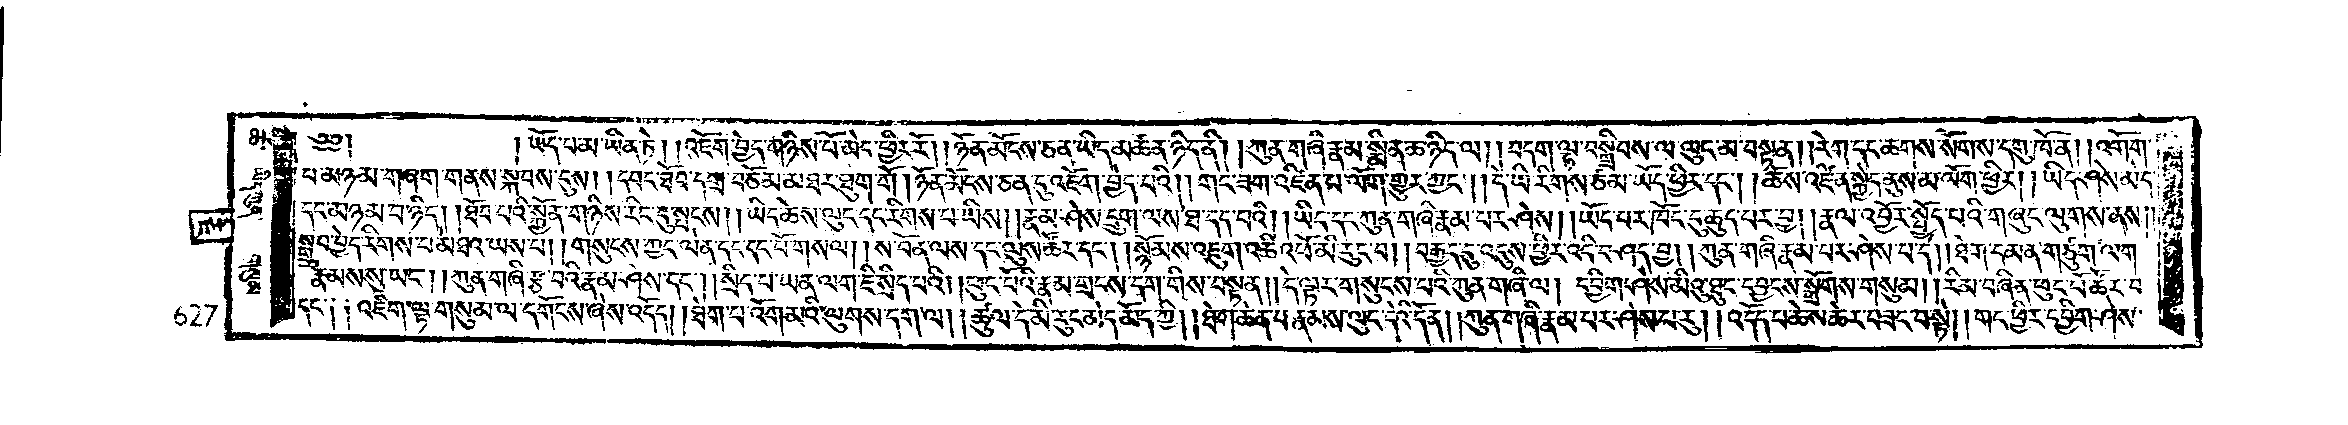༄༅། །ཡོད་པ་མ་ཡིན་ཏེ། །འཇོག་བྱེད་གཉིས་པོ་མེད་ཕྱིར་རོ། །ཉོན་མོངས་ཅན་ཡིད་མཚན་ཉིད་ནི། །ཀུན་གཞི་རྣམ་སྨིན་ཆ་ཉིད་ལ། །བདག་ལྟ་བསྒྲིབས་ལ་ལུང་མ་བསྟན། །རེག་དང་ཆགས་སོགས་དགུ་ཁོ་ན། །འགོག་
པ་མཉམ་གཞག་གནས་སྐབས་དུས། །དབང་ཐོབ་དགྲ་བཅོམ་མཐར་ཐུག་གོ །ཉོན་མོངས་ཅན་དུ་འཇོག་བྱེད་པའི། །གང་ཟག་འཛིན་པ་ལོག་གྱུར་ཀྱང་། །དེ་ཡིརིགས་ཙམ་ཡོད་ཕྱིར་དང་། །ཆོས་འཛིན་སྐྱེད་ནུས་མ་ལོག་ཕྱིར། །ཡིད་ཤེས་མེད་
དང་མཉམ་པ་ཉིད། །ཐོབ་པའི་སྐྱོན་གཉིས་རིང་དུ་སྤངས། །ཡིད་ཆེས་ལུང་དང་རིགས་པ་ཡིས། །རྣམ་ཤེས་དྲུག་ལས་ཐ་དད་པའི། །ཡིད་དང་ཀུན་གཞི་རྣམ་པར་ཤེས། །ཡོད་པར་ཁོང་དུ་ཆུད་པར་བྱ། །རྣལ་འབྱོར་སྤྱོད་པའི་གཞུང་ལུགས་ནས། །
སྒྲུབ་བྱེད་རིགས་པ་མཐའ་ཡས་པ། །གསུངས་ཀྱང་ལེན་དང་དང་པོ་གསལ། །ས་བོན་ལས་དང་ལུས་ཚོར་དང་། །སྙོམས་འཇུག་འཆི་འཕོ་མི་རུང་བ། །བརྒྱད་དུ་འདུས་ཕྱིརའདི་བཤད་བྱ། །ཀུན་གཞི་རྣམ་པར་ཤེས་པ་དེ། །ཐེག་དམན་གཙུག་ལག་
རྣམས་སུ་ཡང་། །ཀུན་གཞི་རྩ་བའི་རྣམ་ཤེས་དང་། །སྲིདཔ་ཡན་ལག་ཇི་སྲིད་པའི། །ཕུང་པོའི་རྣམ་གྲངས་དག་གིས་བསྟན། །དེ་ལྟར་གསུངས་པའི་ཀུན་གཞི་ལ། །དབྱིག་ཤེས་མིའུ་ཐུང་དབྱངས་སྒྲོགས་གསུམ། །རིམ་བཞིན་ཕུང་པོ་ཚོར་བ་
དང༑ ༑འཇིག་ལྟ་གསུམ་ལ་དགོངས་ཞེས་འདོད། །ཐེག་པ་འོག་མའི་ལུགས་དག་ལ། །ཚུལ་དེ་མི་རུང་མེད་མོད་ཀྱི། །ཐེག་ཆེན་པ་རྣམས་ལུང་དེའི་དོན། །ཀུན་གཞི་རྣམ་པར་ཤེས་པ་རུ། །འདོད་པ་ཆེས་ཆེར་བཟང་བ་སྟེ། །གང་ཕྱིར་དབྱིག་ཤེས་